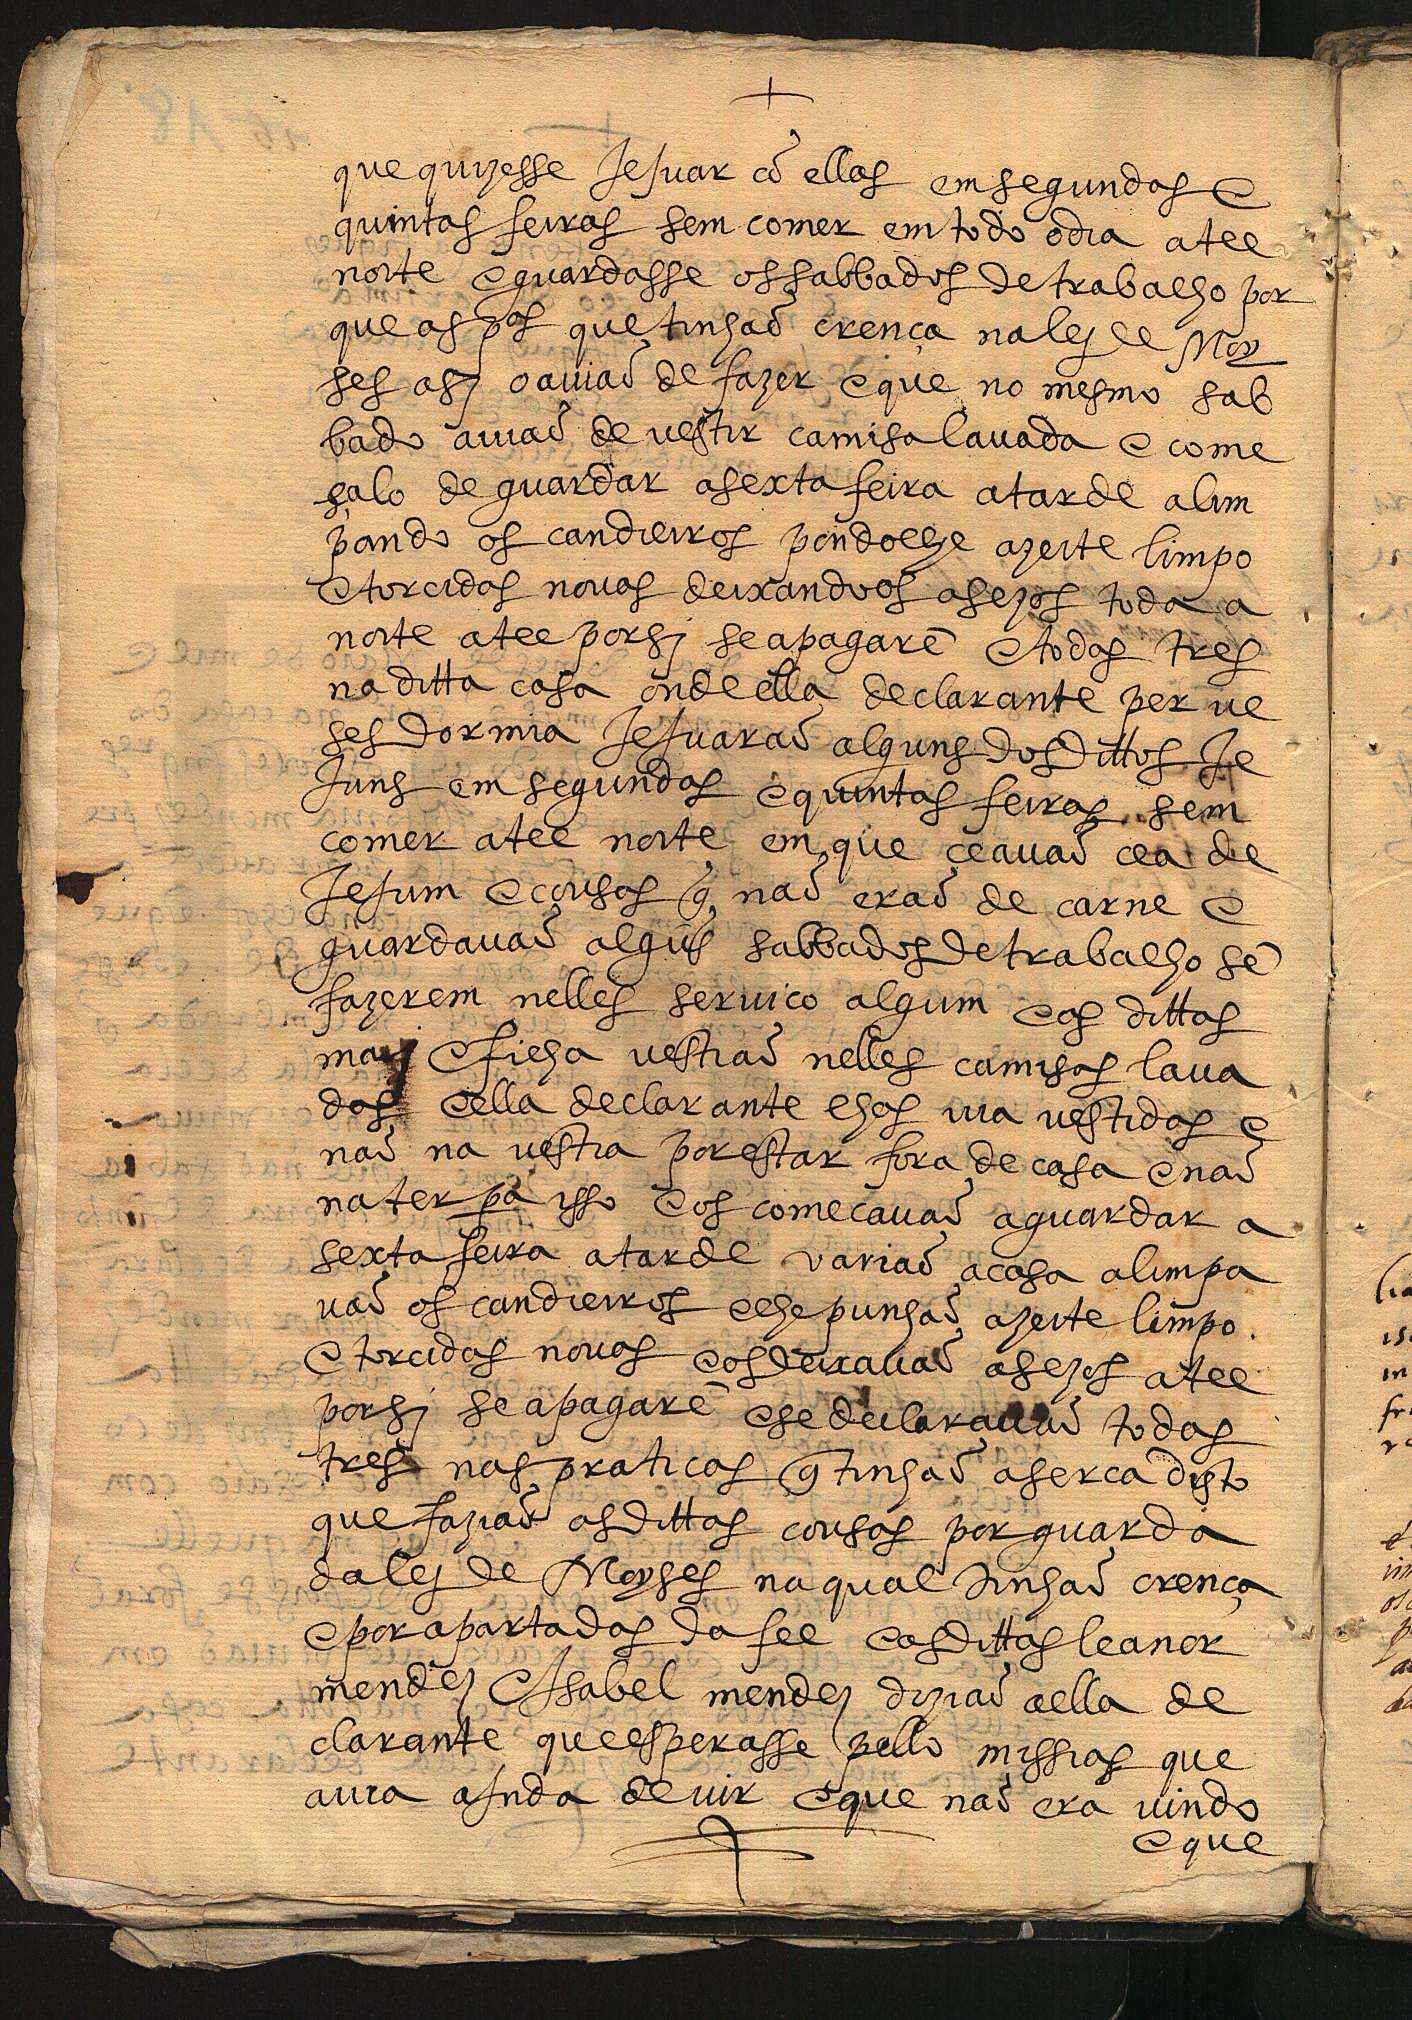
que quizesse Jejuar cō ellas em segundas e
quintas feiras sem comer em todo o dia atee
noite e guardasse os sabbados de trabalho por
que as pas que tinhaõ crença na lej de Moy
ses asj o auiaõ de fazer e que no mesmo sab
bado auiaõ de uestir camisa lauada e come
çalo de guardar a sexta feira a tarde alim
pando os candierios pondolhe azeite limpo
e torcidas nouas deixandoos asezos toda a
noite atee por sj se apagarē e todas tres
na ditta casa onde ella declarante per ue
ses dormia JeJuaraõ alguns dos dittos Je
Juns em segundas e quintas feiras sem
comer atee noite em que çeauaõ cea de
JeJum e cousas q̄ naõ eraõ de carne e
guardauaõ algūs sabbados de trabalho sē
fazerem nelles seruiço algum e as dittas
maj e filha uestiaõ nelles camisas laua
das e ella declarante lhas uia uestidas e
naõ na uestia por estar fora de casa e naõ
na ter ꝑa isso e os começauaõ a guardar a
sexta feira a tarde variaõ a casa alimpa
uaõ os candierios e lhe punhaõ azeite limpo.
e torcidas nouas e as leixauaõ asezas atee
por sj se apagarē e se declarauaõ todas
tres nas praticas q̄ tinhaõ aserca disto
que faziaõ as dittas cousas por guarda
da lej de Moyses na qual tinhaõ crença
e por apartadas da fee e as dittas leanor
mendez e Jsabel mendez diziaõ a ella de
clarante que esperasse pello missias que
auia aJnda de uir e que naõ era uindo
e que
